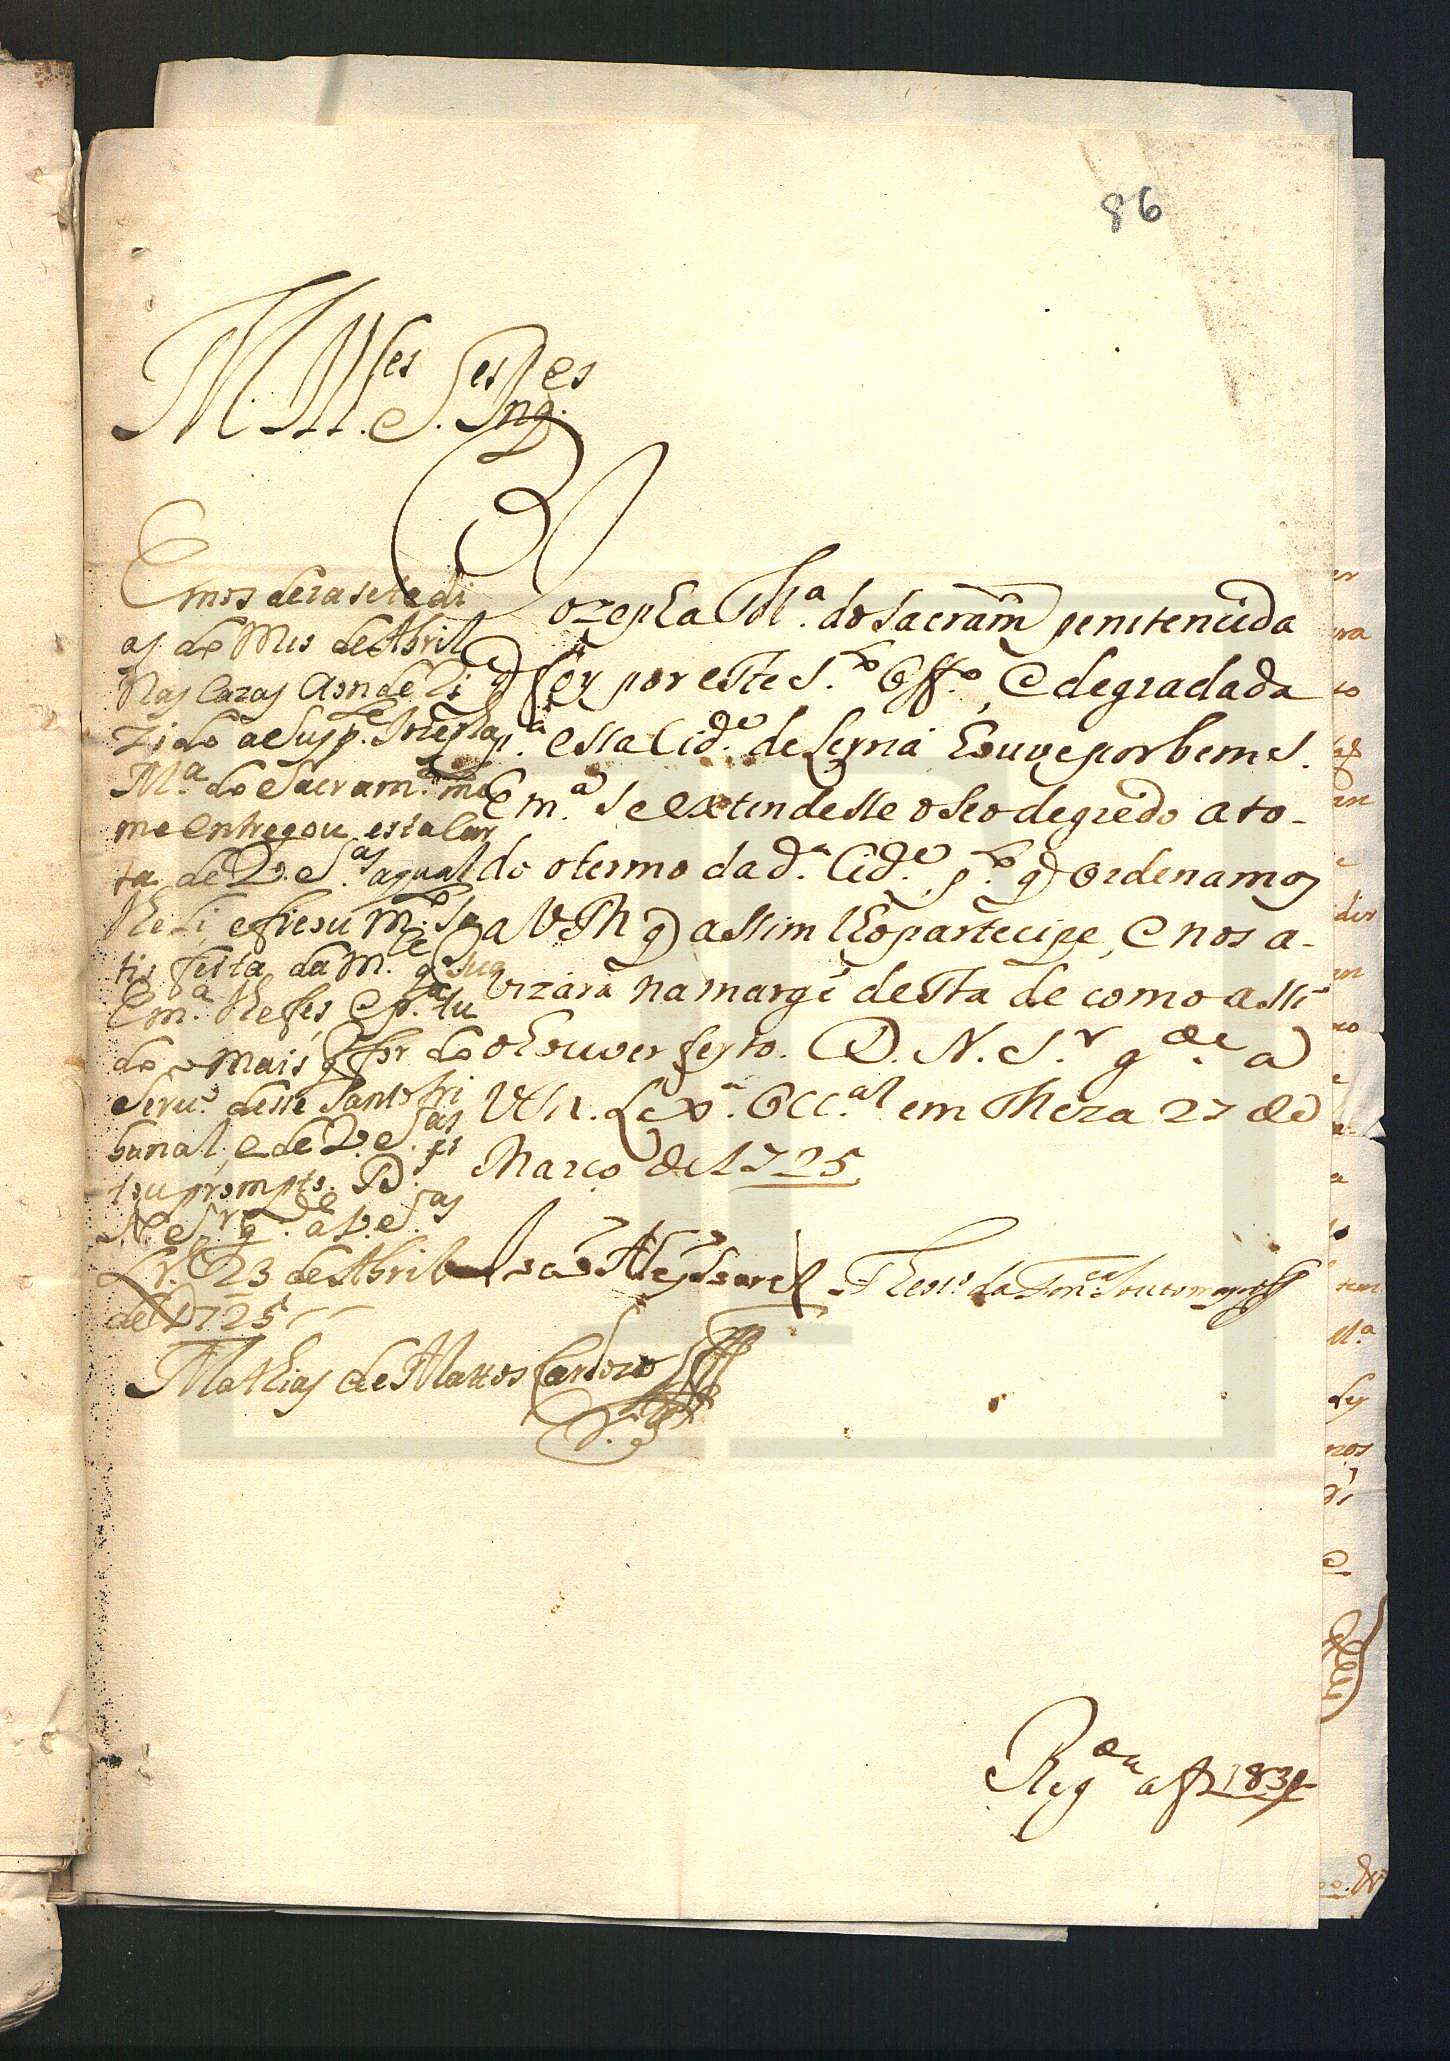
M Ill.es S.es Inq.es
Iozepha M.a do Sacramto penitencida
q̄ foy por este s.to Off.o, e degradada
p.a essa Cid.e de Leyria houve por bem s.
Em.a se extendesse o seo degredo a to
do o termo da d.a Cid.e, p.lo q̄ ordenamos
a VM q̄ assim lho partecipe, e nos a
vizara na margē desta de como assī
o houver feyto. D. N. s.r g.de a
VM. Lix.a Occ.al em Meza 27 de
Março de 1725.
Ioaõ Ales̄ Soares Theot.o da Fon.ca Souto mayor
Em os dezasete di
as do Mes de Abril
Nas Cazas aonde Ri
Zido a Supp.te Iozepha
M.a do Sacram.to me
me entregou esta Car
ta de V. S.as a qual
lhe li, e ficou m.to sa
tisfeita da m.ce q̄ sua
Em.a lhe fes, e p.a tu
do o mais q̄ for do
Seru.o desse santo tri
bunal, e de V. S.as
sou prompto. D.s
N. S.r g.de a V. S.as
Lr.a 23 de Abril
de 1725
Mathias de Mattos Cardozo
Regda a fl 183
